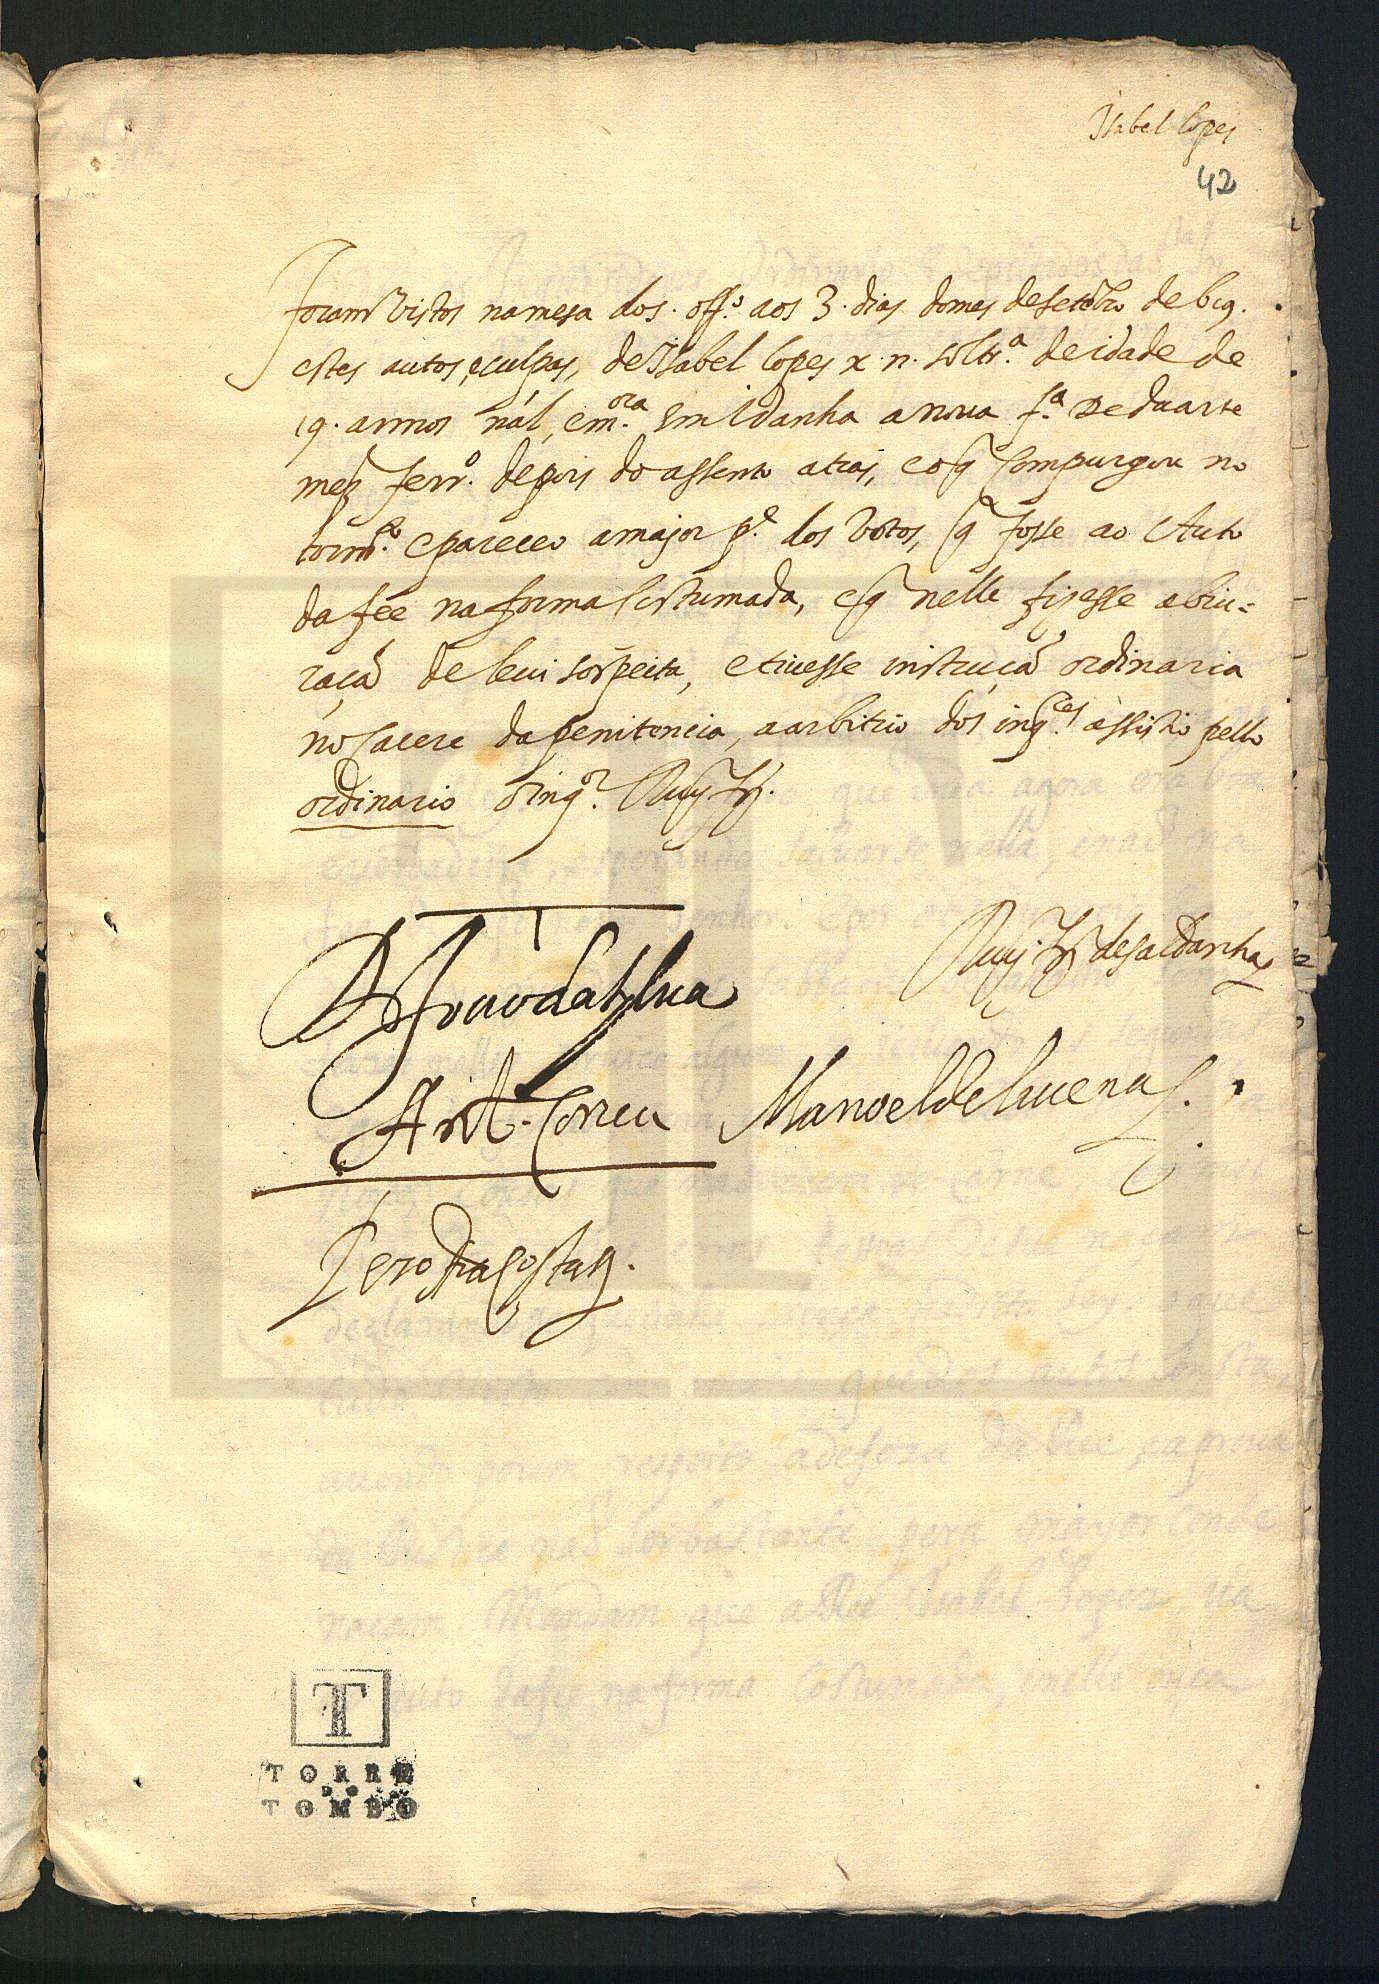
Isabel lopes
Foram vistos na mesa do s. off.o aos 3 dias do mes de setēbro de 619
estes autos, e culpas, de Isabel lopes x. n. soltr.a de idade de
19 annos nāl, e m.ora Em idanha a noua f.a De duarte
mez̄ ferr.o depois do assento atras, e o q̄ Compurgou no
torm.to e pareceo a major p.e dos votos, q̄ fosse ao Auto
da fee na forma Costumada, e q̄ nelle fizesse abiu
raçaõ de leui sospeita, e tiuesse instruçaõ ordinaria
no Cacere da penitencia, a arbitrio dos inq.res assistio pello
ordinario o inq.or
